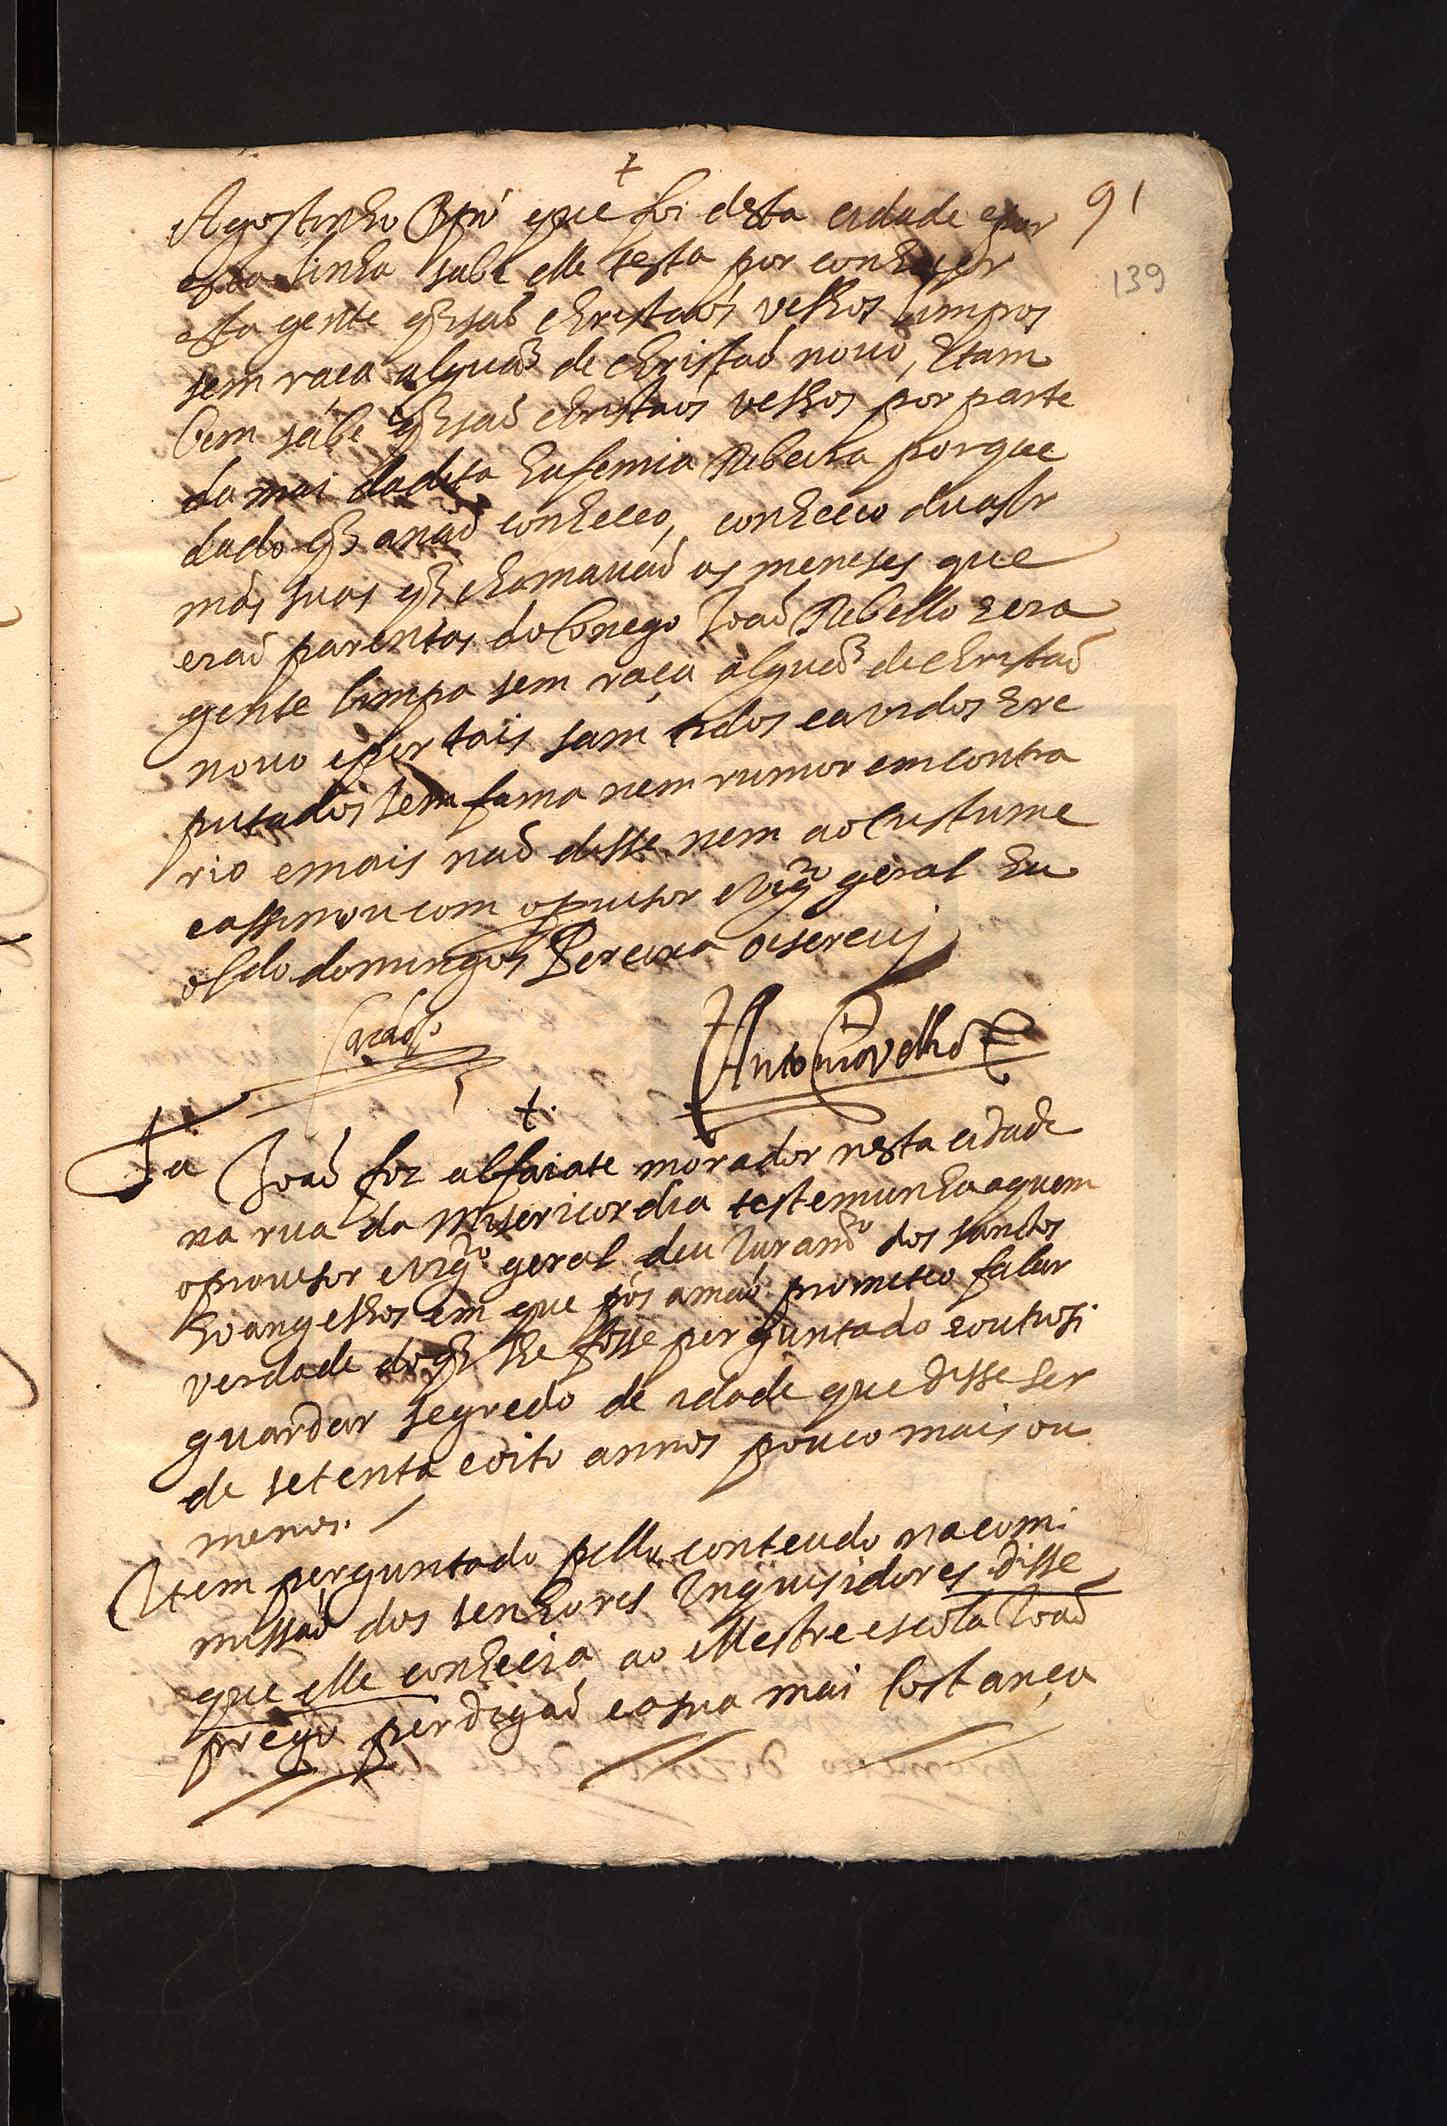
Agostinho Bpō que foi desta cidade e por
esta linha sabe elle testa por conhecer
esta gente q̄ saõ christaõs velhos limpos
sem raça alguā de christaõ nouo, E tam
bem sabe q̄ saõ christaõs velhos por parte
da mai da dita Eufemia Ribeira porque
dado q̄ a naõ conheceo, conheceo duas Ir
mās suas q̄ chamauaõ as meneses que
eraõ parentas do Conego Joaõ Rebello E era
gente limpa sem raça alguā de christaõ
nouo e per tais sam tidos e auidos E re
putados sem fama nem rumor em contra
rio e mais naõ disse nem ao custume
e assinou com o ꝓuisor e vigro geral Eu
o Ldo. domingos Pereira o escreuj
Ta. Joaõ frz alfaiate morador nesta cidade
na rua da misericordia testemunha a quem
o prouisor e vigro. geral, deu Iuramto dos sanctos
Evangelhos em que pos a maõ prometeo falar
verdade do q̄ lhe fosse perguntado E outrosi
guardar segredo de idade que disse ser
de setenta e oito annos pouco mais ou
menos.
Item perguntado pello conteudo na com
missaõ dos senhores Inquisidores disse
que elle conhecia ao Mestre escola Ioaõ
prego perdigaõ e a sua mai Costança
